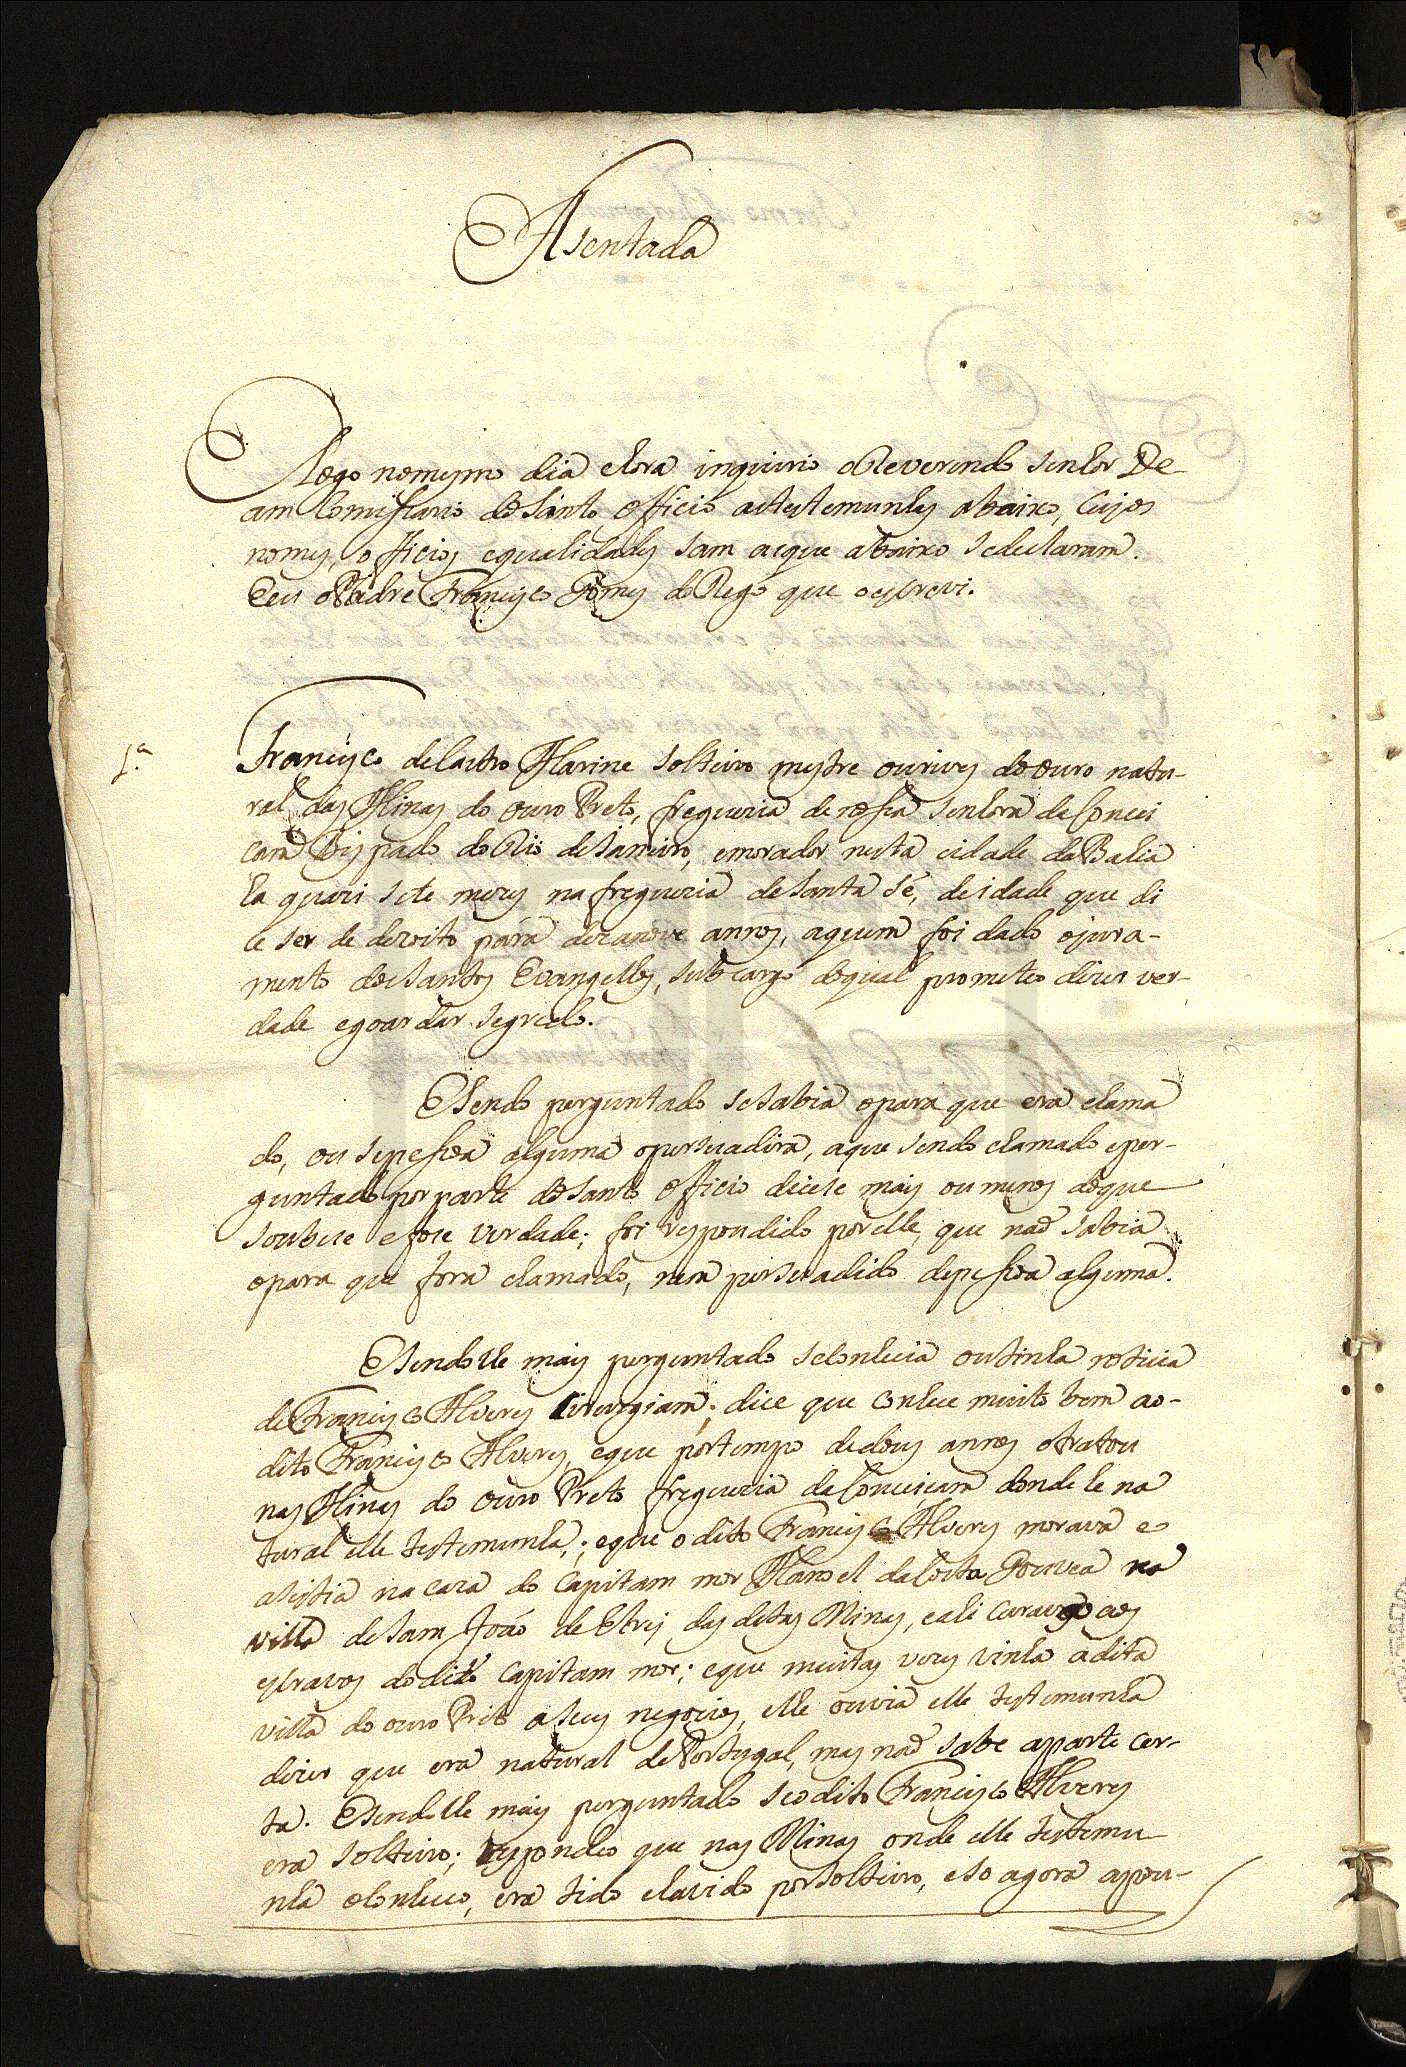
Asentada
E Logo no mesmo dia e hora inquirio o Reverendo senhor De
am Commissario do Santo Officio as testemunhas abaixo, Cujos
nomes, officios e qualidades sam as que abaixo se declaram.
E eu o Padre Francisco Gomes do Rego que o escrevi.
Francisco de Castro Marine Solteiro mestre ourives do ouro natu
ral das Minas do Ouro Preto, freguezia de nossa senhora da Concei
cam Bispado do Rio de Ianeiro, e morador nesta cidade da Bahia
ha quazi sete mezes na freguezia de Santa Sé, de idade que di
ce ser de dezoito para dezanove annos, a quem foi dado o jura
mento dos Santos Evangelhos, sub cargo do qual prometeo dizer ver
dade e goardar segredo.
E Sendo perguntado se Sabia o para que era chama
do, ou se pessoa alguma o persuadira, a que sendo chamado e per
guntado por parte do Santo Officio dicese mais ou menos do que
soubese e fose verdade; foi respondido por elle, que naõ sabia
o para que fora chamado, nem persuadido de pessoa alguma.
E Sendo lhe mais perguntado se conhecia ou tinha noticia
de Francisco Alveres Cirurgiam; dice que conhece muito bem ao
dito Francisco Alveres, e que por tempo de dous annos o tratou
nas Minas do Ouro Preto freguezia de Conceiçam donde he na
tural elle testemunha, ; e que o dito Francisco Alveres morava e
asistia na caza do capitam mor Manoel da Costa Gouvea na
villa de Sam João de Elrej das ditas Minas, e ahi curava aos
escravos do dito capitam mor; e que muitas vezes vinha a dita
villa do ouro Preto a seus negocios, e lhe ouvia elle testemunha
dizer que era natural de Portugal, mas naõ sabe a parte cer
ta. E sendolhe mais perguntado se o dito Francisco Alveres
era Solteiro; respondeo que nas Minas onde elle testemu
nha o conheceo, era tido e havido por Solteiro, e so agora a pou
